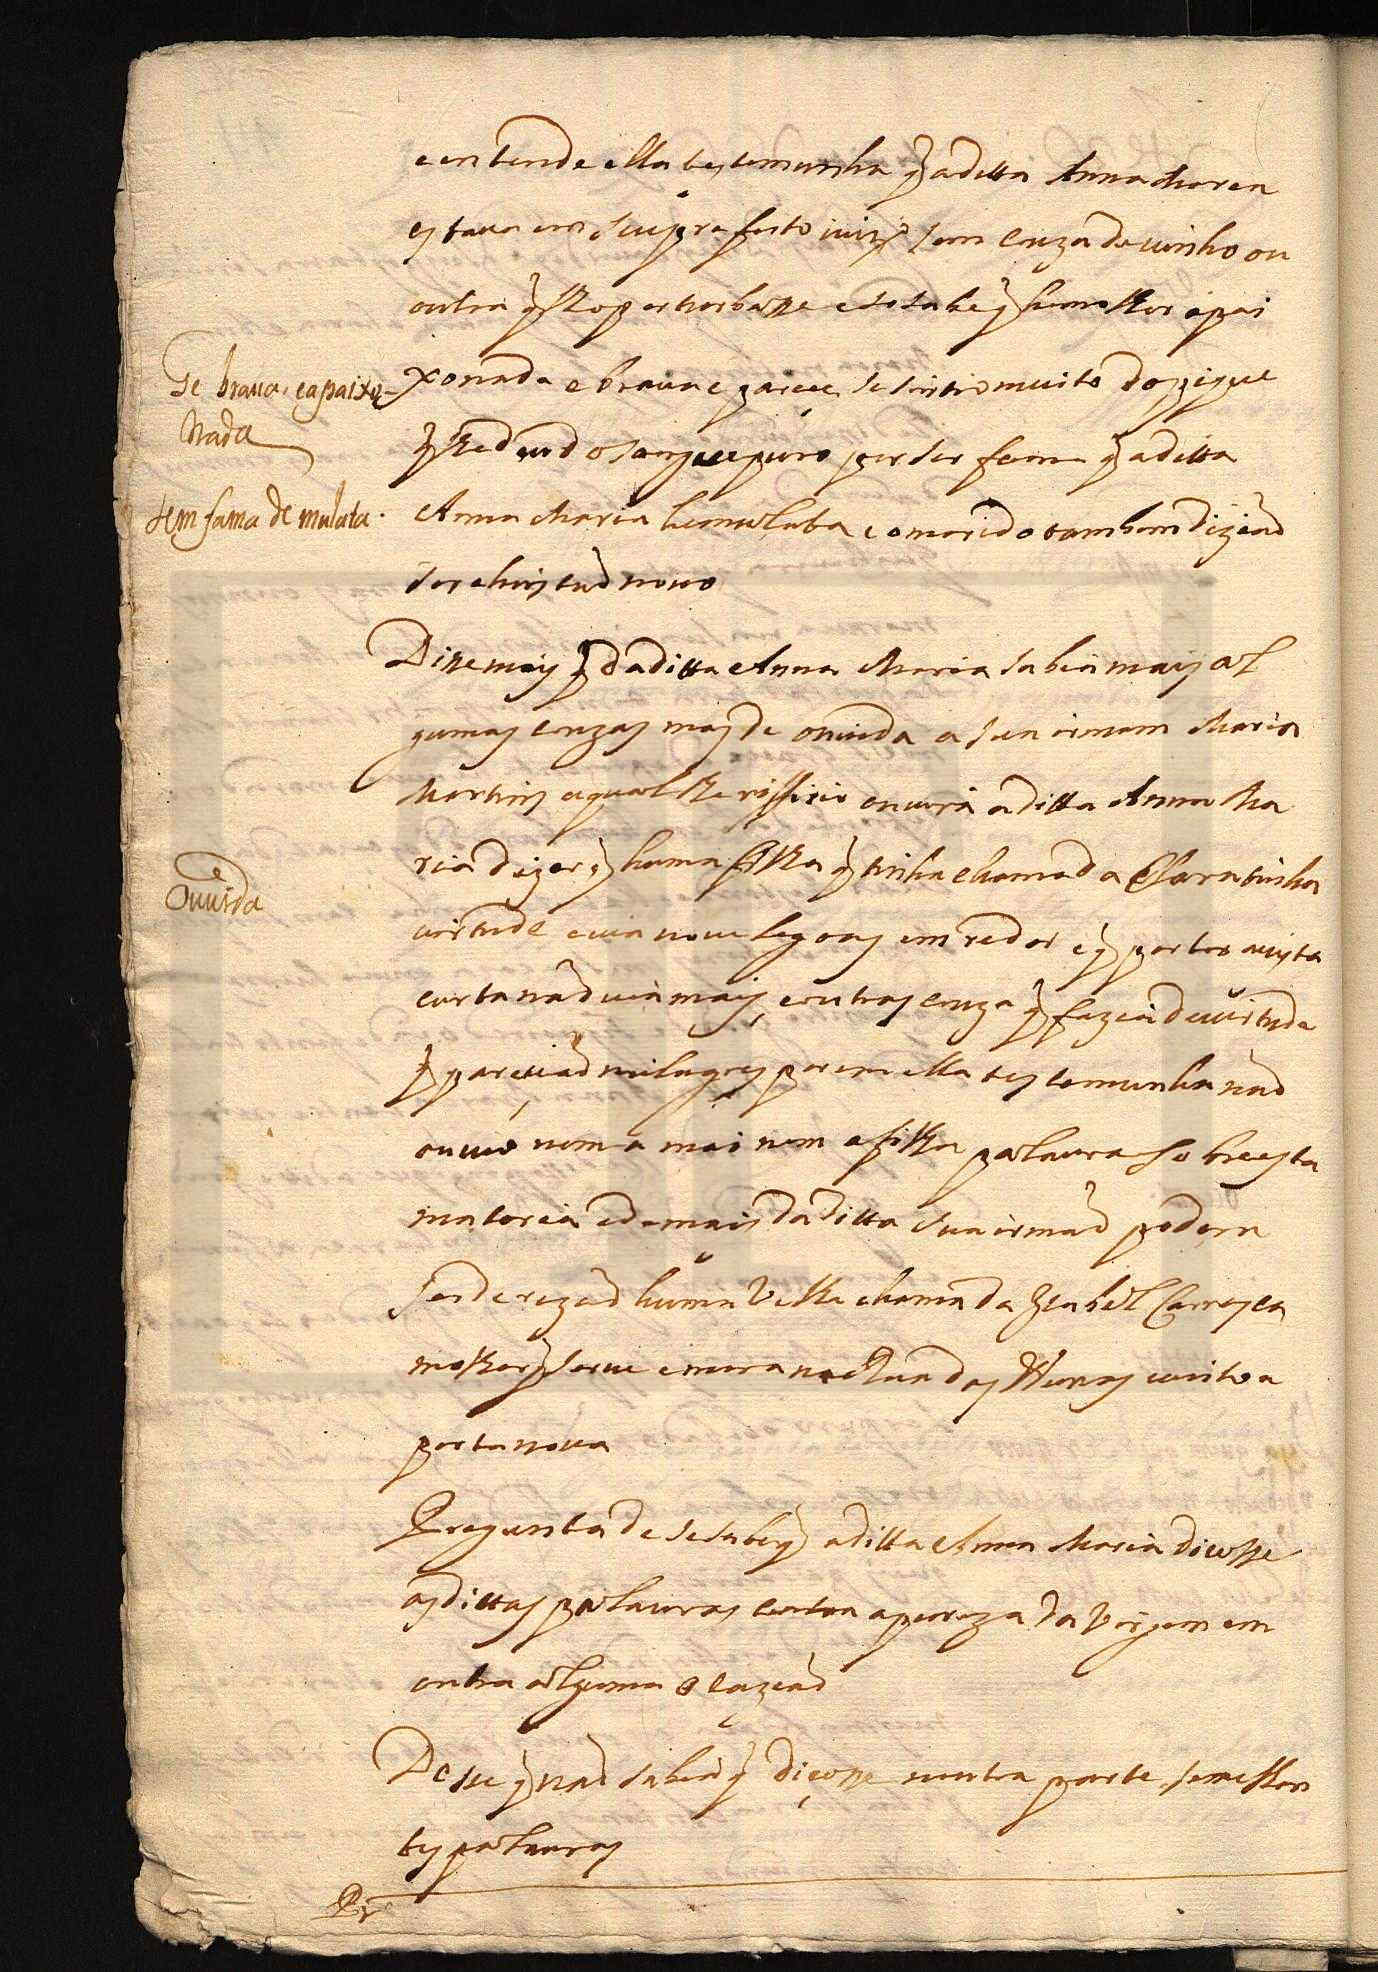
He braua e apaixo
nada
tem fama de mulata
ouuida
e entende ella testemunha q̄ a ditta Anna Maria
estaua em seu prefeito iuizo sem couza do uinho ou
outra q̄ lho pertrorbasse e so sabe q̄ he molher apai
xonada e braua e pareçe se sintio muito do pique
q̄ he doudo sangue puro por ser fama q̄ a ditta
Anna Maria he mulata, e o marido tambem dizen
ser christaõ nouo
Disse mais q̄ da ditta Anna Maria sabia mais al
gumas couzas mas de ouuida a sua irmam Maria
Martins a qual lhe riffirio ouuira a ditta Anna Ma
ria dizer q̄ huma filha q̄ tinha chamada Clara tinha
uirtude e uia noue legoas em redor, e q̄ por ter a uista
curta naõ uia mais, e outras couza q̄ fazia de uirtude
q̄ pareçiaõ milagres porem ella testemunha naõ
ouuio nem a mai nem a filha palavra sobre esta
materia, e de mais da ditta sua irmaõ podera
ser de rezão huma velha chamada Jzabel Carrasca
molher q̄ serue e mora na Rua das Nunas iunto a
porta noua
Preguntada se sabe q̄ a ditta Anna Maria dicesse
as dittas palauras contra a pureza da Virgem em
contra alguma ocaziaõ
Desse q̄ não sabia q̄ diçesse noutra parte semelhan
tes palauras
